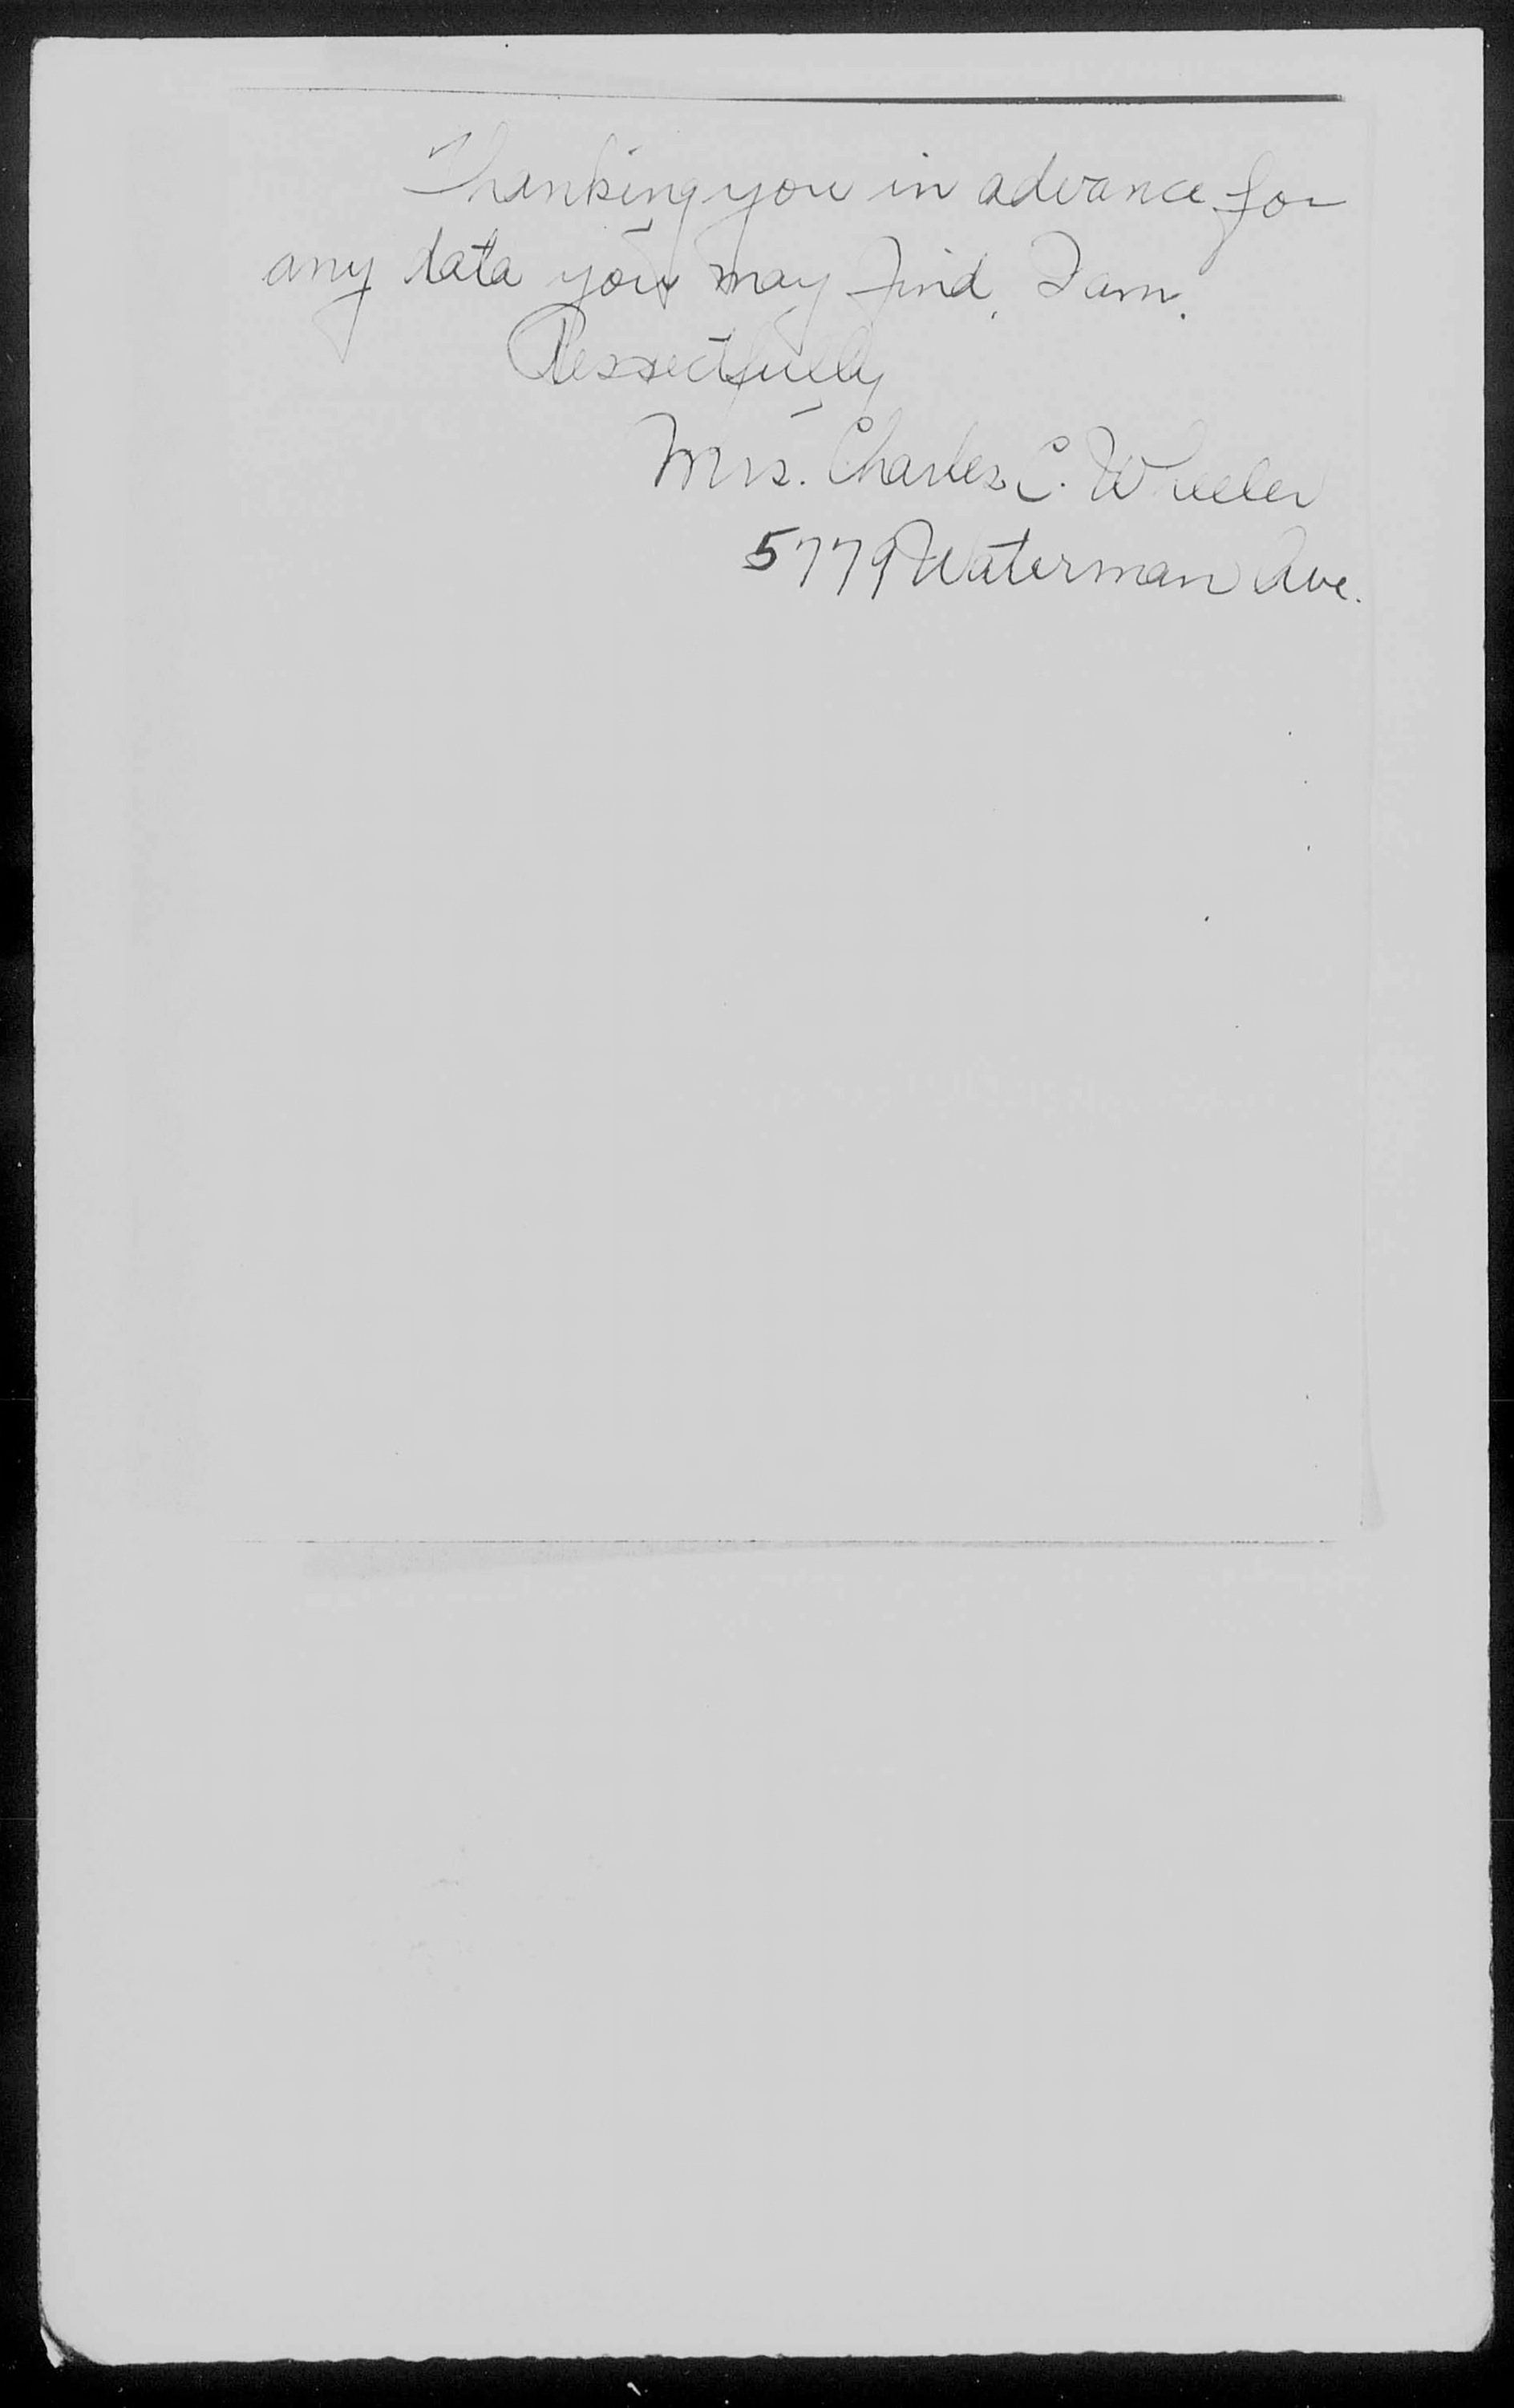Thanking you in advance for any data you may find . I am Respectfully  Mrs. Charles C. Wheeler 5779 Praterman Ave.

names: Charles C Wheeler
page: 18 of 23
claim: survivor's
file: S. 21068, John Bell, Ga. N. C. S. C.